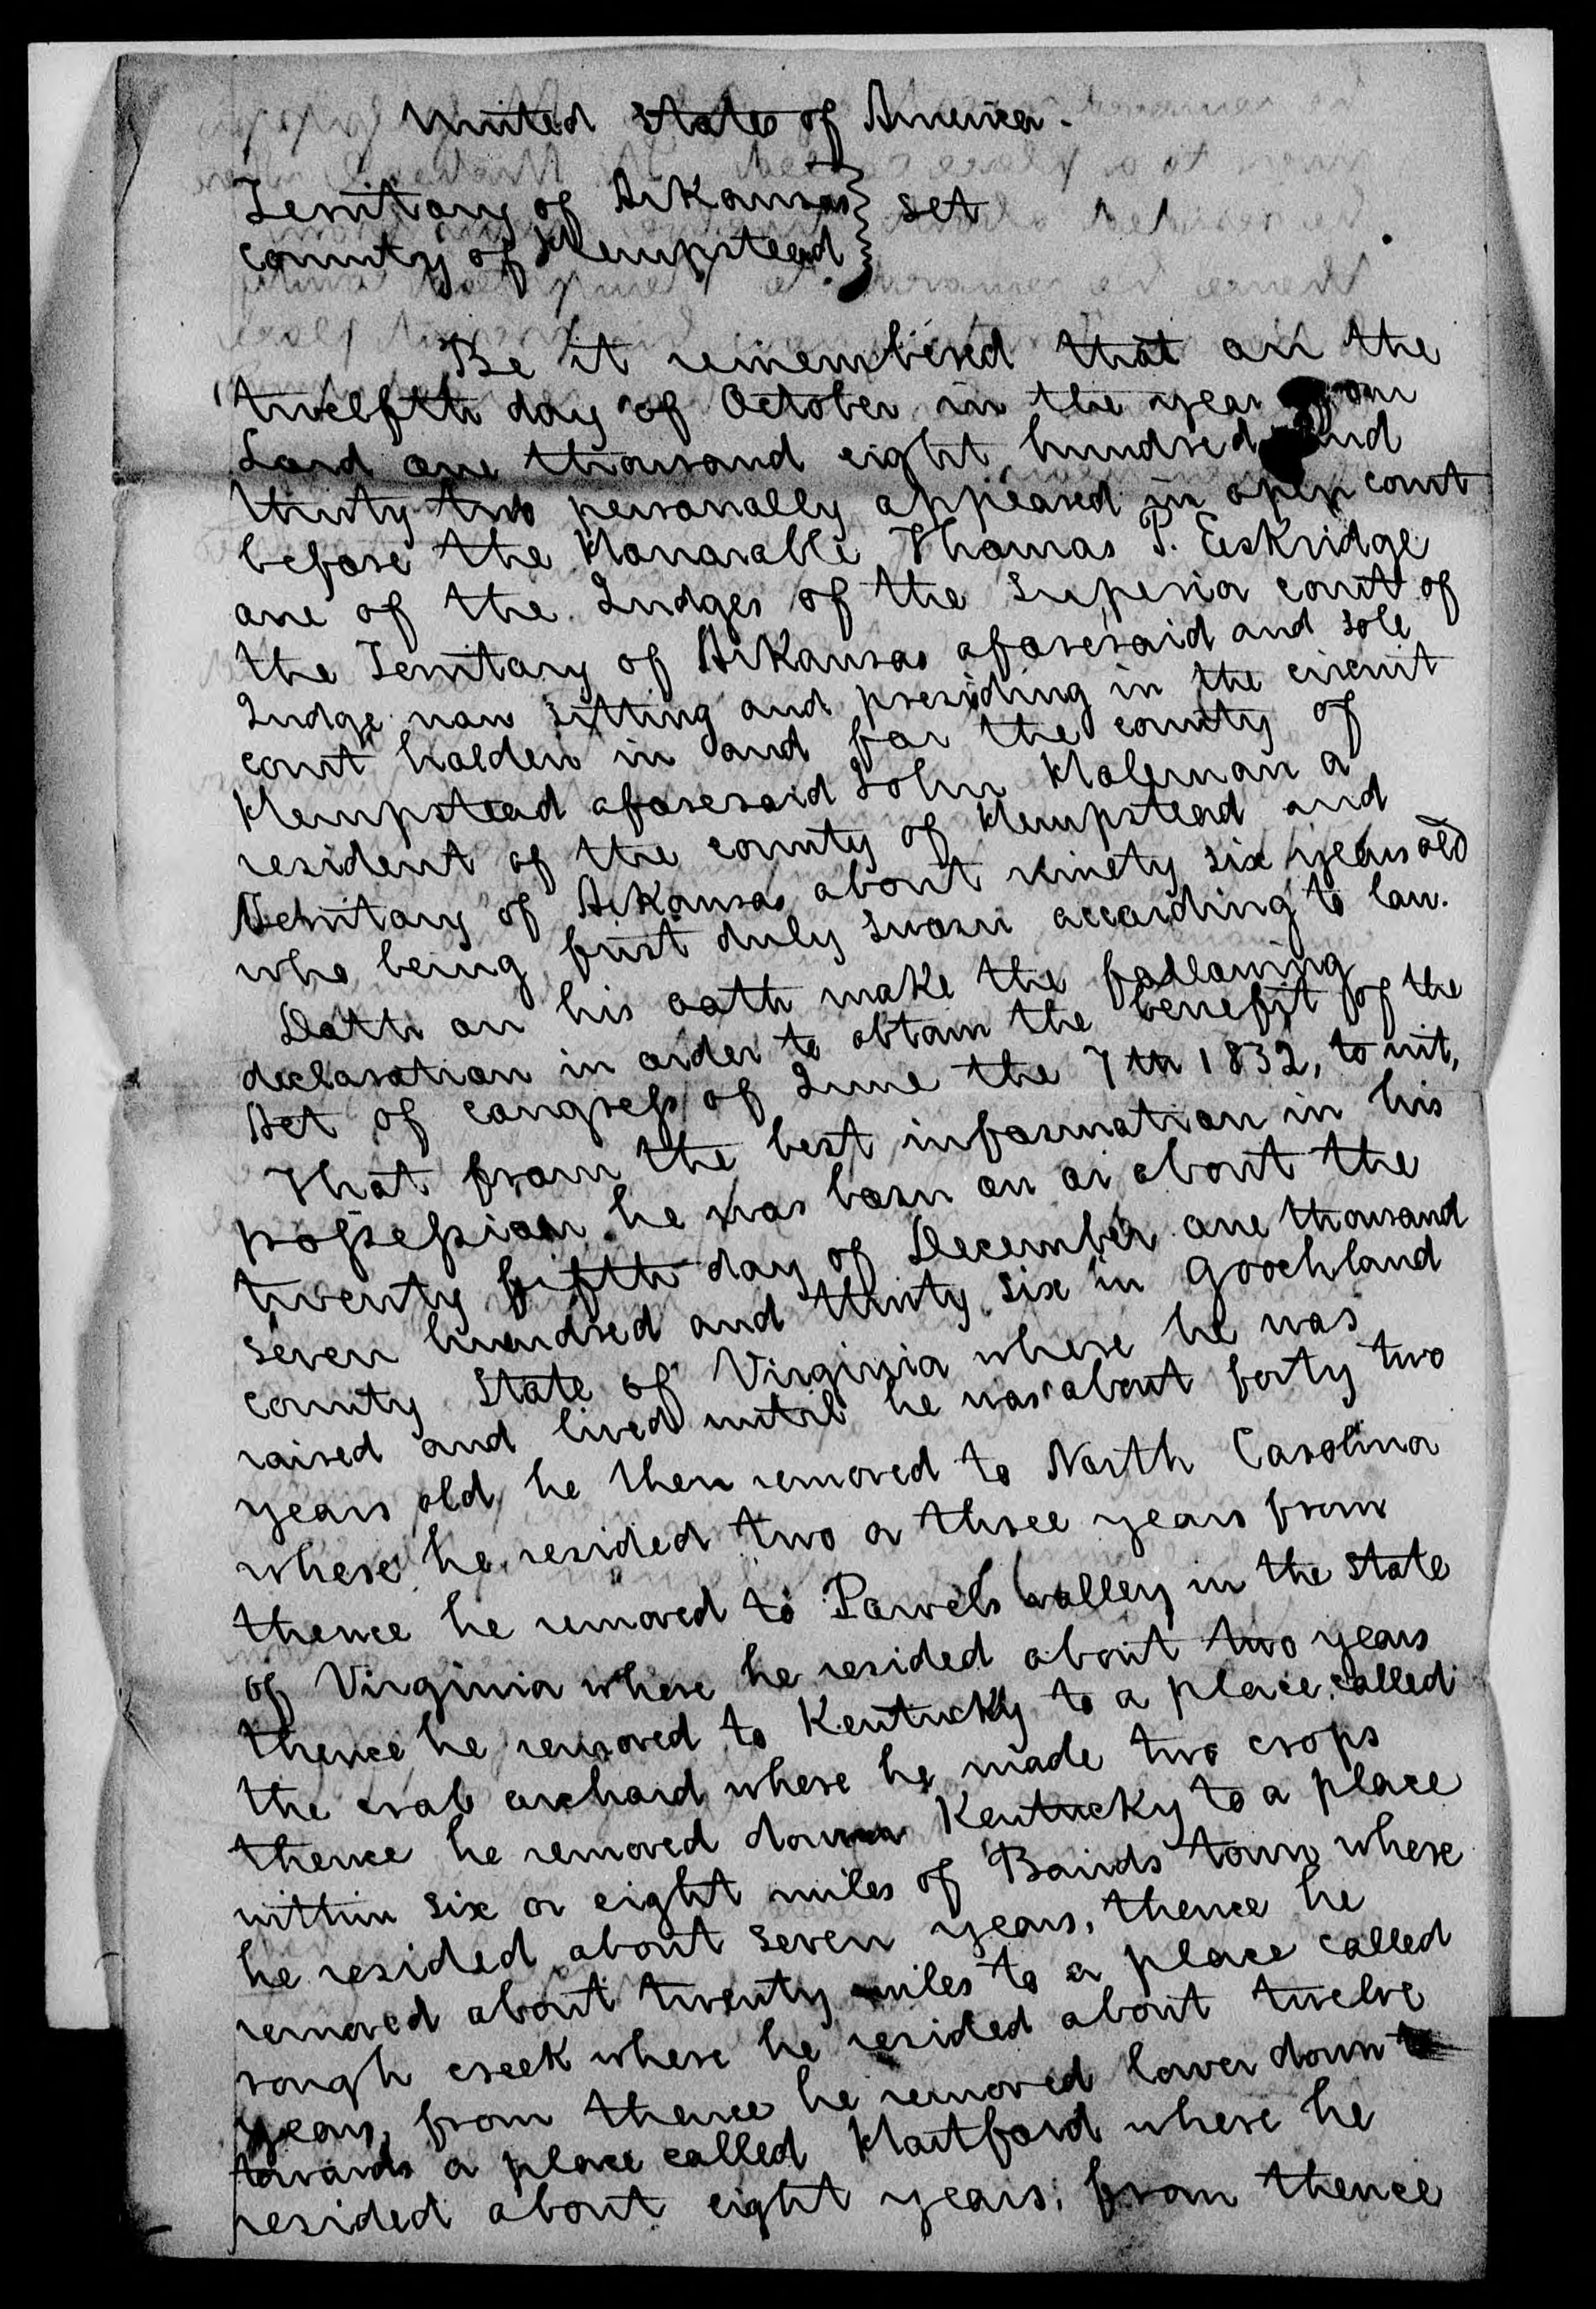United States of America
[illegible]
County of Hempstead

Be it [illegible] that on the twelfth day of October in the year of our Lord one thousand eight hundred and thirty two personally appeared in open court before the honorable Thomas P. Eskridge one of the Judges of the [illegible] court of the Territory of Arkansas [illegible] Judge was sitting and presiding in the circuit court [illegible] for the county of Hempstead [illegible] John Haleman a resident of the county of Hempstead and Territory of Arkansas about ninety five years old who being first duly sworn according to law. Doth on his oath make the following declaration in order to obtain the benefit of the [illegible] June the 7th 1832, to wit, that from the best information in his [illegible] he was born on about the twenty fifth day of December one thousand seven hundred and thirty [illegible] goochland county State of Virginia where he was raised and lived until he [illegible] forty two years old he there removed to North Carolina where he resided two or three years from thence he removed to [Parish balley?] in the state of Virginia where he resided about two years thence he removed to Kentucky to a place called the [illegible] where he made two crops thence he removed [illegible] Kentucky to a place within six or eight miles of [Boints?] town where he resided about seven years. thence he removed about twenty miles to a place called rough creek where he resided about twelve years. from thence he removed lower down towards a place called Hartford where he resided about eight years. from thence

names: John Haleman, Thomas P Eskridge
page: 4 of 30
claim: survivor's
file: S. 31753, John Holman, Va.